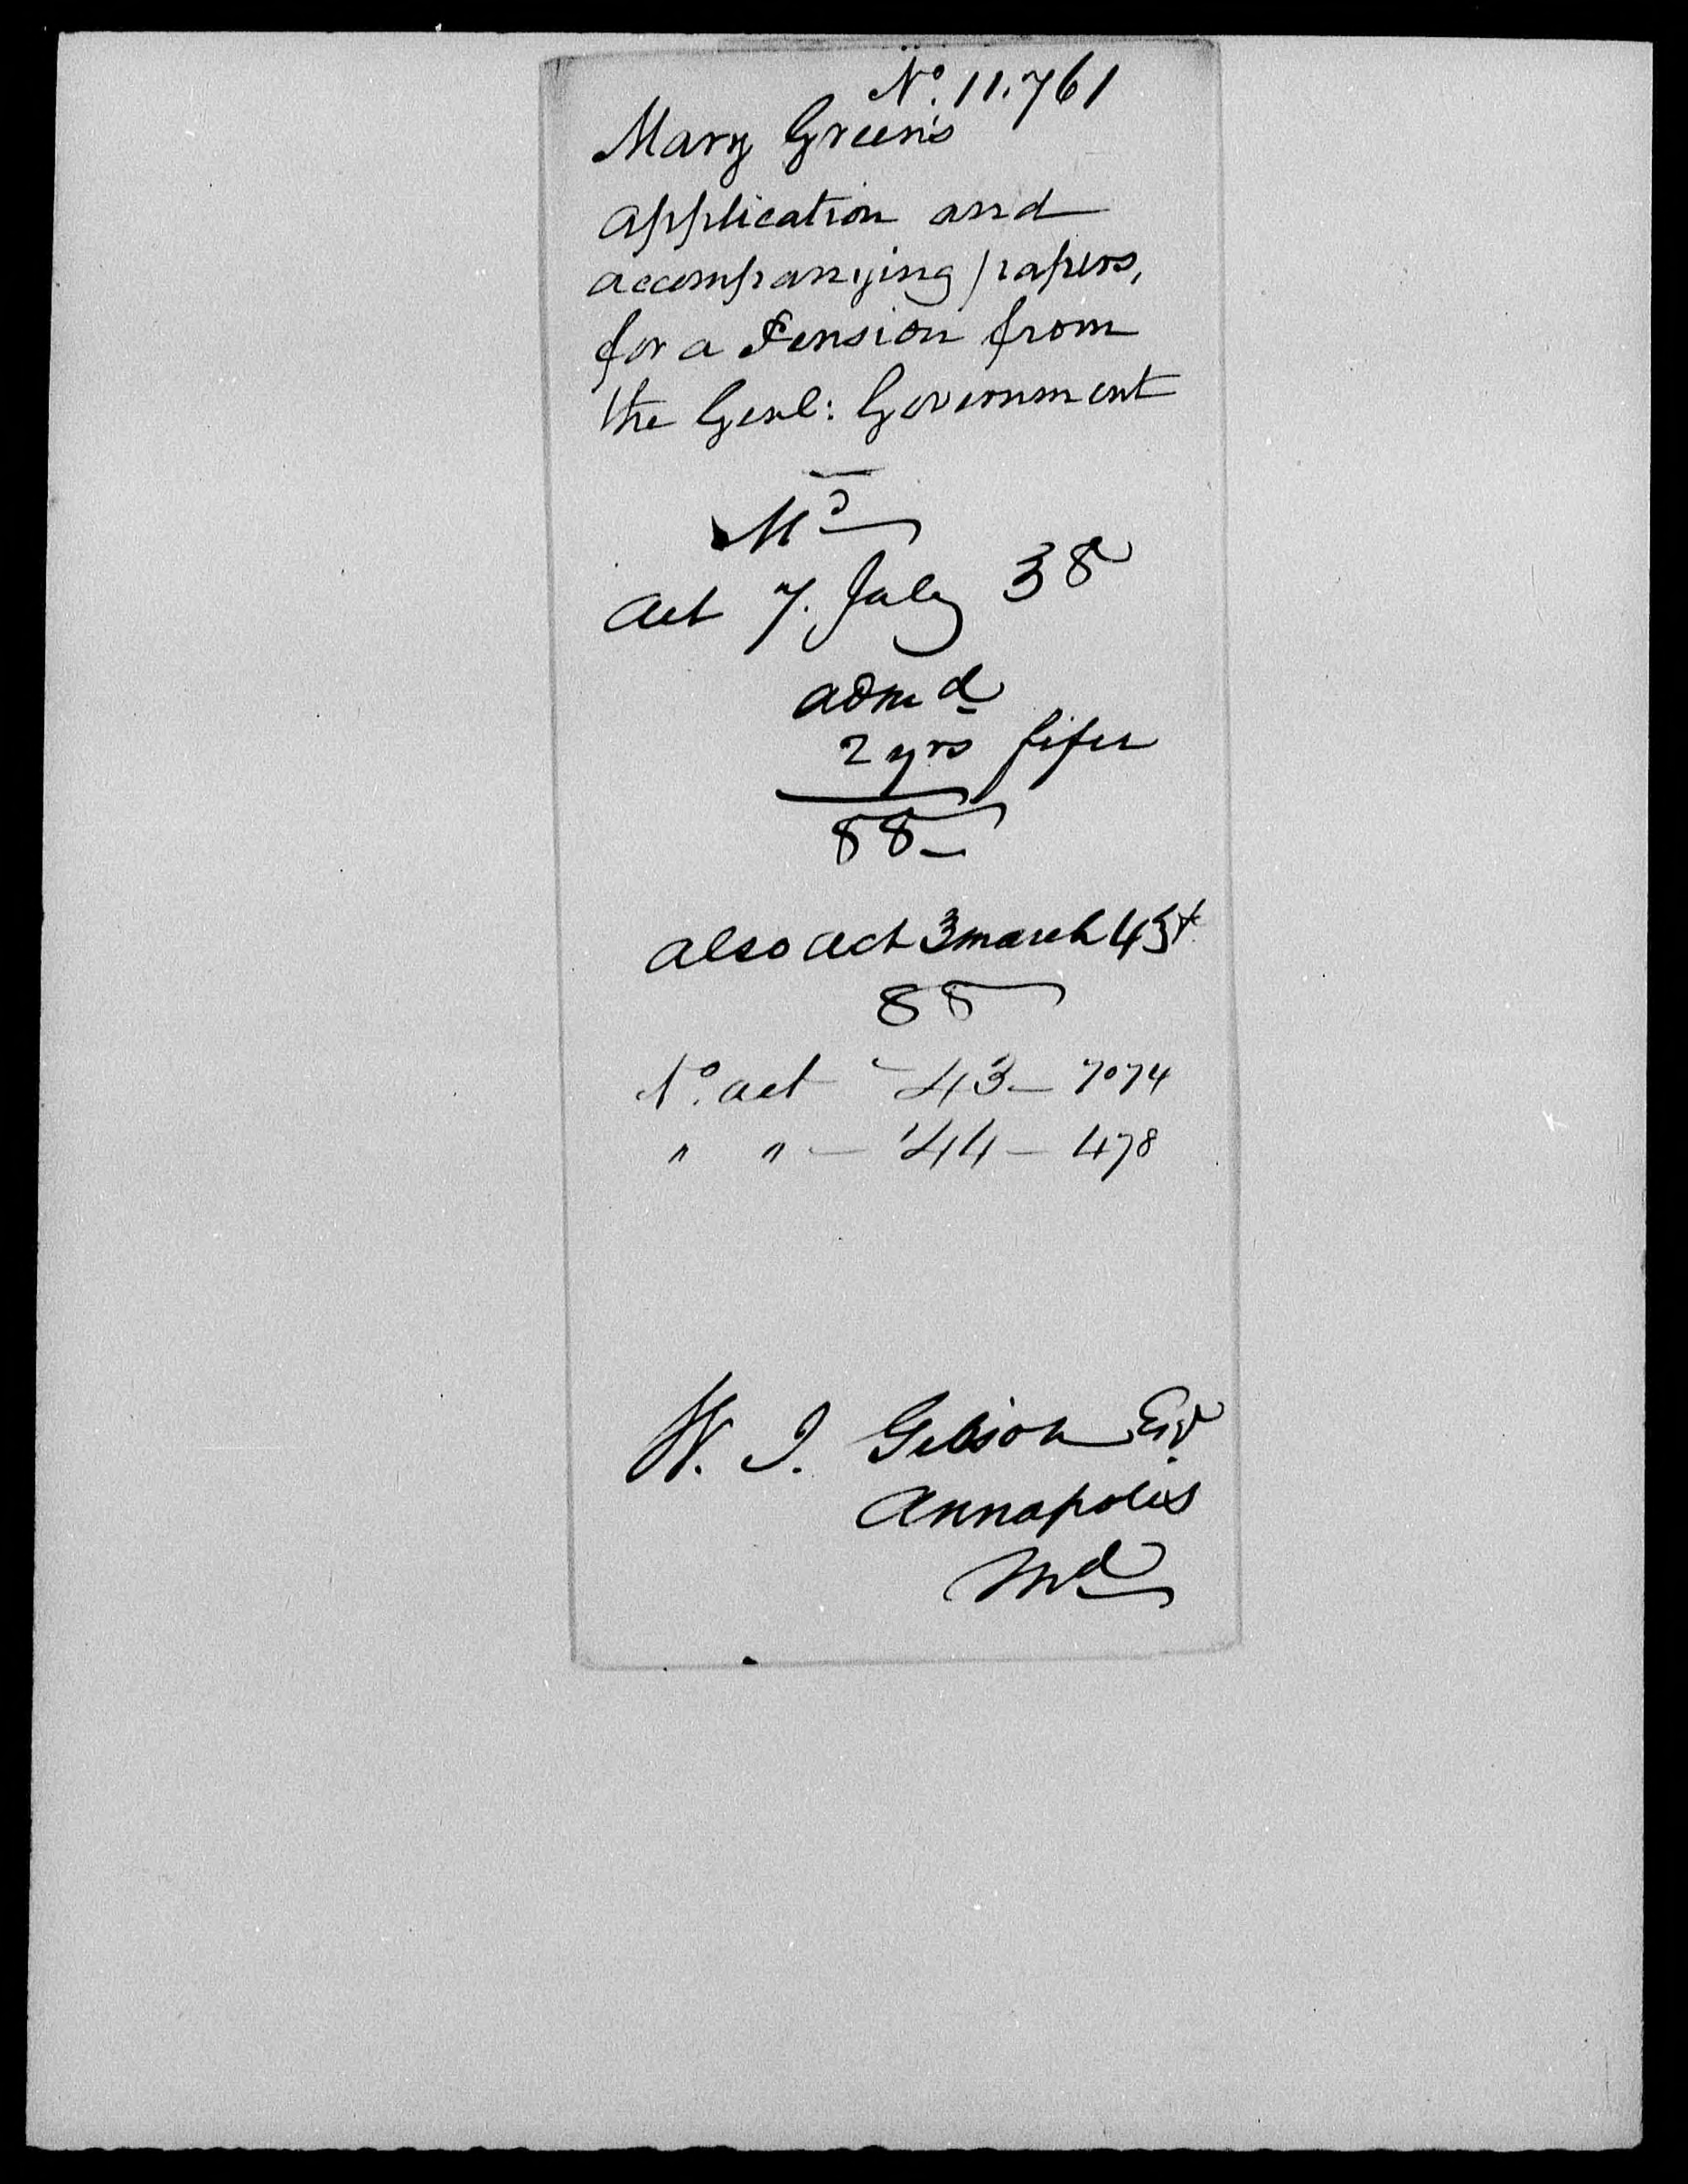No. 11.761
Mary Green's
application and 
accompanying papers,
for a pension from 
the Genl: Government

[illegible]
[illegible] 38
[illegible]
2 yrs fifer
88

also act 3 march 45th
88

[illegible] - 43 - 7074
''      ''  - '44 - 478

W. J. Gibson
Annapolis
MD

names: W J Gibson, Mary Green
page: 10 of 26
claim: widow's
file: W 25651, Robert Cross, Md.